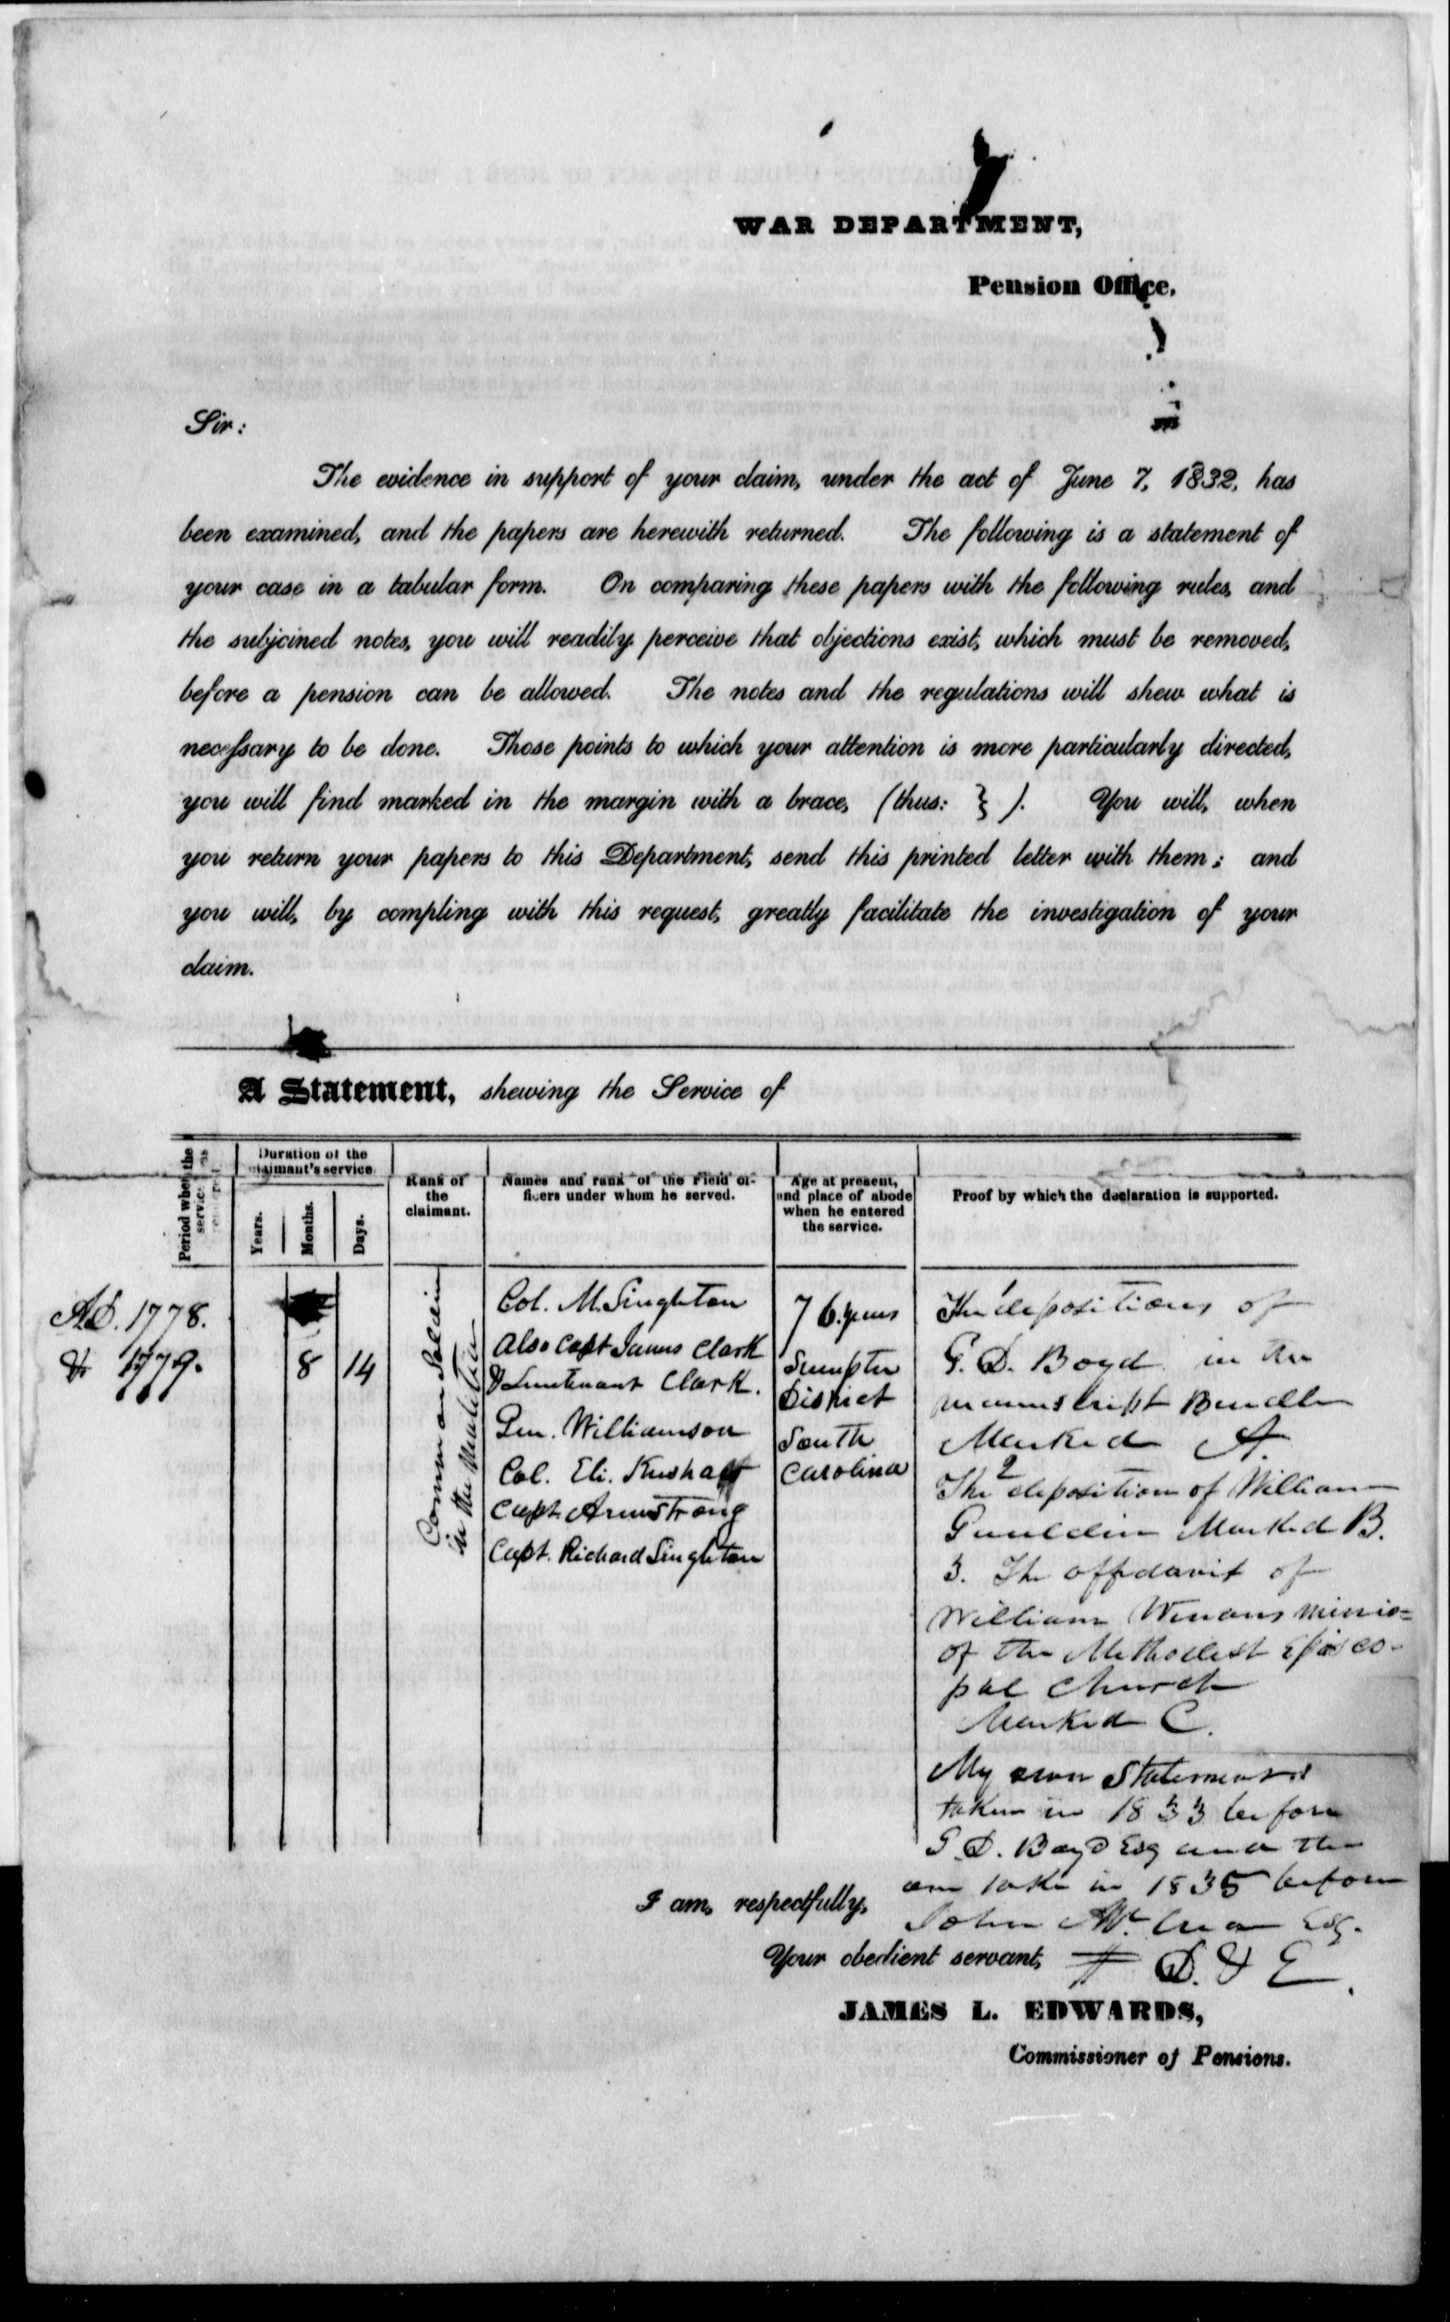WAR DEPARTMENT,
Pension Office,
Sir:
The evidence in support of your claim, under the act of June 7, 1832, has been examined, and the papers are herewith returned. The following is a statement of your case in a tabular form. On comparing these papers with the following rules and the subjoined notes, you will readily perceive that objections exist, which must be removed, before a pension can be allowed. The notes and the regulations will shew what is necessary to be done. Those points to which your attention is more particularly directed, you will find marked in the margin with a brace (thus: }). You will, when you return your papers to this Department, send this printed letter with them; and you will by compling with this request, greatly facilitate the investigation of your claim.

A Statement, shewing the Service of
Period when the services were rendered. A.D. 1778 to 1779.
Duration of the claimant's service. Years. 8 Months. 14 Days.
Rank of the claimant. Common Soldier in the Malitia
Names and rank of the Field officers under whom he served.
Col. M. Singleton
Also Capt James Clark & Lieutenant Clark.
Gen. Williamson
Col. Eli Kushall
Capt. Armstrong
Capt. Richard Singleton
Age at present, and place of abode when he entered the service. 76 years Sumpter District South Carolina
Proof by which the declaration is supported.
1 The depositions of G. D. Boyd in the circumscript Bundle Marked A. 
2 The deposition of William Gauldin Marked B.
3. The affidavit of William Winans Minister of the Methodist Episcopal church Marked C.
My own Statement taken in 1833 before G.D. Boyd Esq and the [illegible] in 1835 before John McCrea Esq. # D. & E.
I am respectfully,
Your obedient servant,
JAMES L. EDWARDS,
Commissioner of Pensions.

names: William Gauldin, Williamson, William Winans, James L Edwards, Richard Singleton, James Clark, M Singleton, G D Boyd, Eli Kushall, Clark, John Mc Crea, Armstrong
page: 7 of 38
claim: survivor's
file: S. 30. 239, William Abbott, S.C.